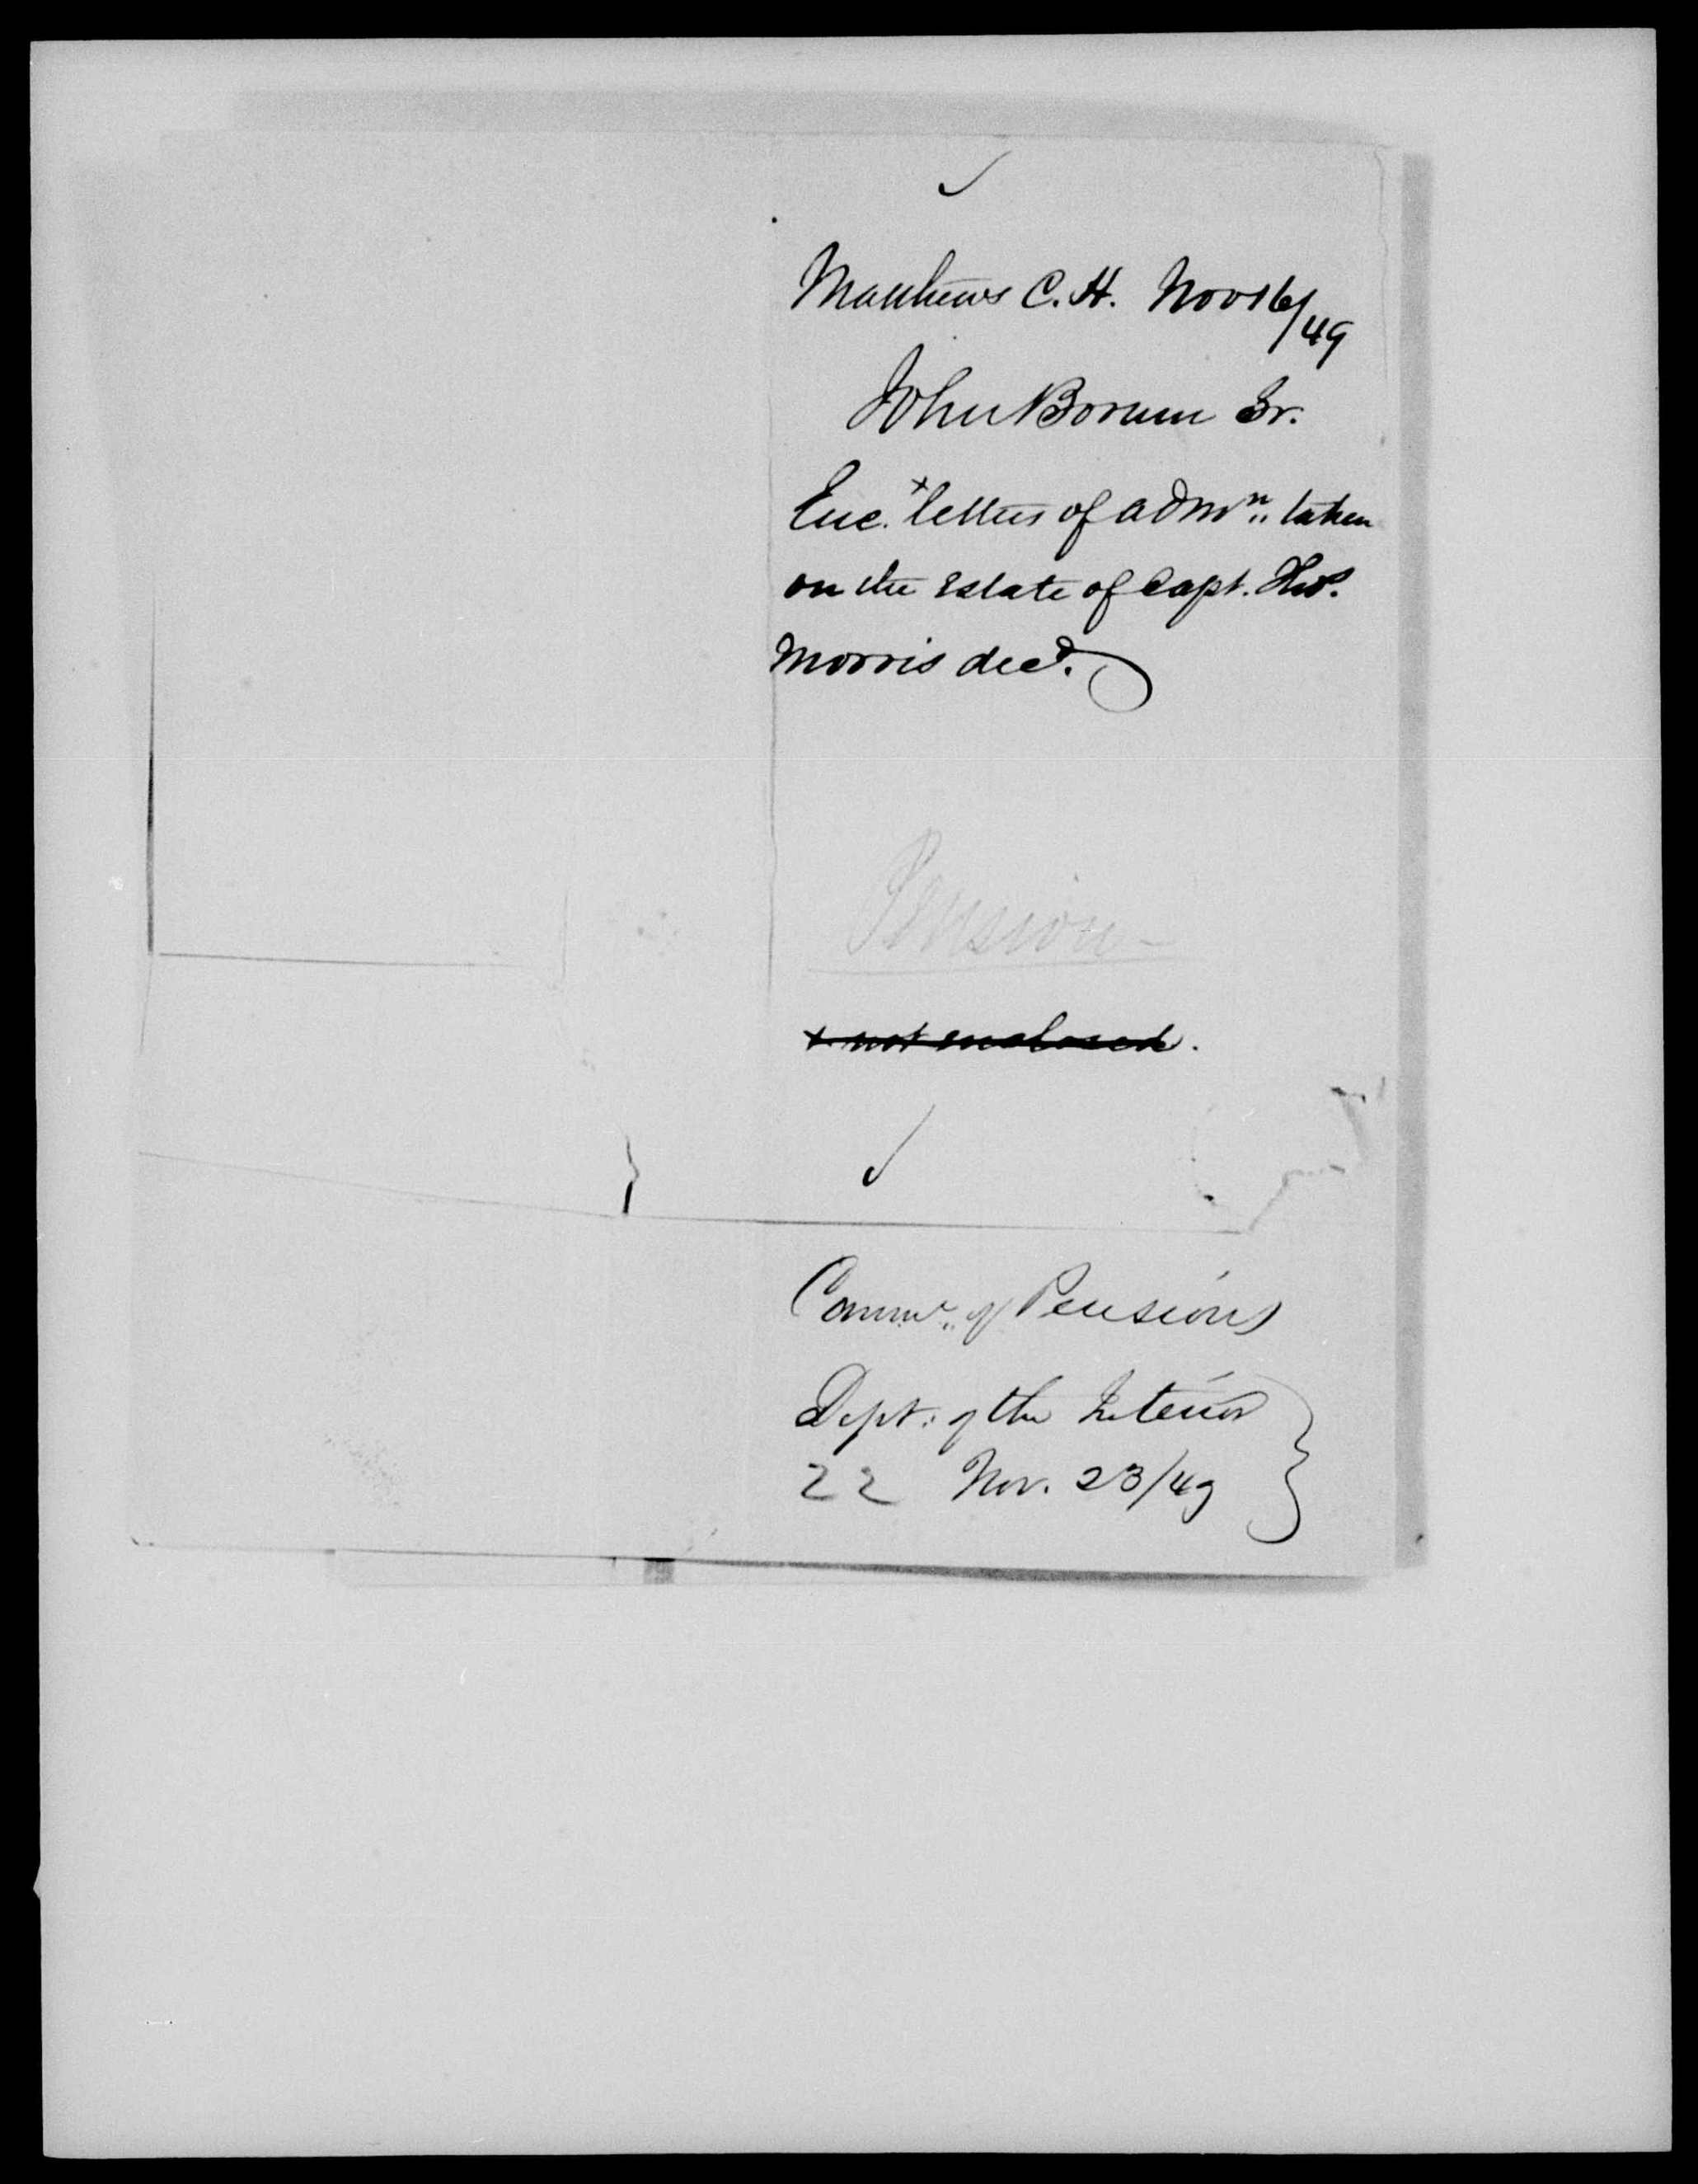Matthews C.H. Nov 16 /49 
John Borum Sr. 
Enc. letters of admr taken on the estate of Capt. Thom Morris decd.
[xnot enclosed.] [crossed out]
Comm. of Pensions
Dept. of the Interior
22 Nov. 23/49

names: Thos Morris; John Borum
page: 19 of 30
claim: rejected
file: R. 16,555, for Thomas Morris, Georgia